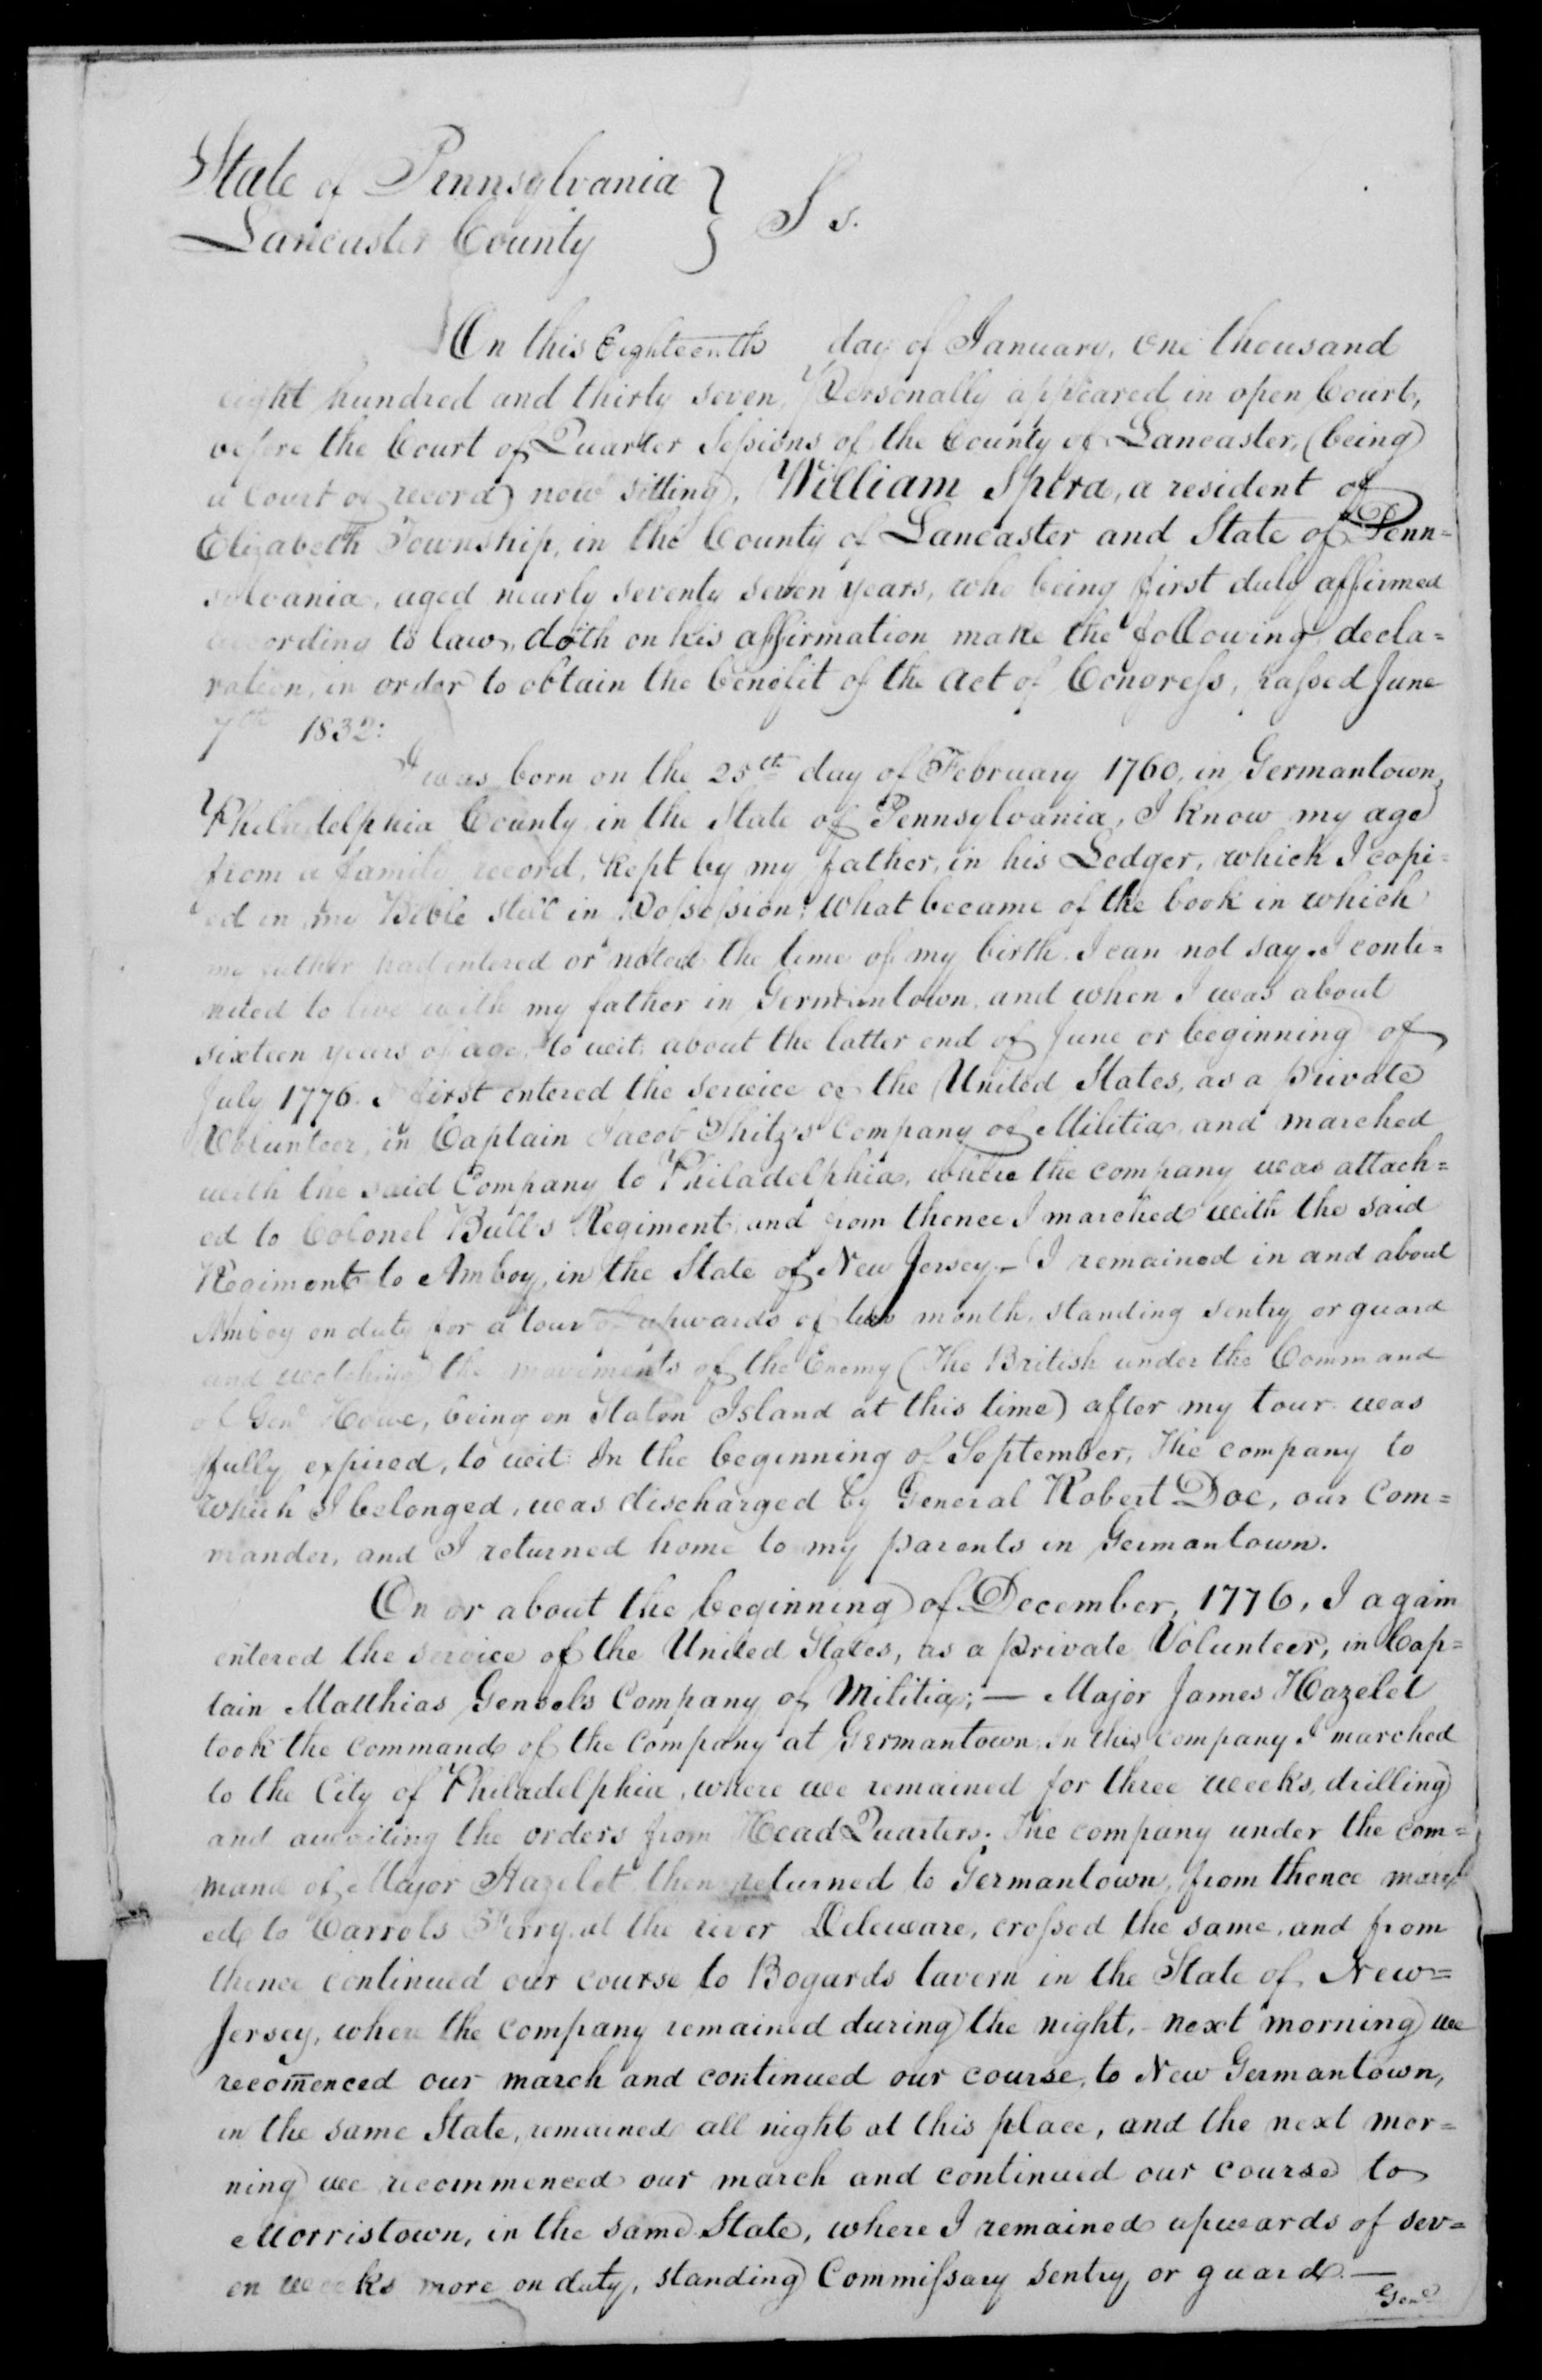State of Pennsylvania
Lancaster County  SS

On the eighteenth day of January, one thousand eight hundred and thirty-seven, personally appeared in open court. before the court of (illegible) of the county of Lancaster (being a court of record) now sitting, William Spera, a resident of Elizabeth Township in the county of Lancaster and state of Pennsylvania, aged nearly seventy-seven years, who being first duly affirmed according to law doth on his affirmation make the following declaration in order to obtain the benefit of the act of Congress passed June 7th 1832.

I was born on the 25th day of February 1760 in Germantown, Philadelphia County, in the state of Pennsylvania.  I know my age from a family record kept by my father in his ledger, which I copied in the Bible still in (illegible) what became of the book in which my father had entered or noted the time of my birth.  I cannot say.  I continued to live with my father in Germantown and when I was about sixteen years of age to wit, about the latter end of June or beginning of July 1776, I first entered the service of the United States as a private volunteer in Captain Jacob Fritz's(?) company of militia and marched with the said company to Philadelphia, where the company was attached to Colonel Bull's regiment and from thence marched with the said regiment to Amboy in the state of New Jersey.  I remained in and about Amboy on duty for a tour upwards of (illegible) month standing sentry or guard and watching the movement of the enemy. (The British under the command of Genl. Howe(?) being on Staton Island at this time.)  After my tour was fully expired, to wit, in the beginning of September, the company to which I belonged was discharged by General Robert Doe, our commander and I returned home to my parents in Germantown. 

On or about the beginning of December 1776, I again entered the service of the United States as a private volunteer in Captain Mathias (illegible) company of militia.  Major James Hazelet took the command of the company at Germantown.  In this company I marched to the city of Philadelphia where we remained for three weeks drilling and awaiting orders from Headquarters.  The company under the command of Major Hazelet then returned to Germantown, from thence marched to Carro's(?) Ferry on the river Delaware, crossed the same and from thence continued our course to Boguards' Tavern in the state of New Jersey, where the company remained all night at this place, and the next morning we recommenced our march and continued our course to Morristown in the same state where I remained upwards of seven weeks more on duty, standing commissary sentry to guard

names: James Hazelet; [BLANK] Matthias; [BLANK] Howe; Robert Doe; [BLANK] Hazelet; William Spera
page: 3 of 17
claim: survivor's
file: S. 6,141, for William Spera, Pennsylvania